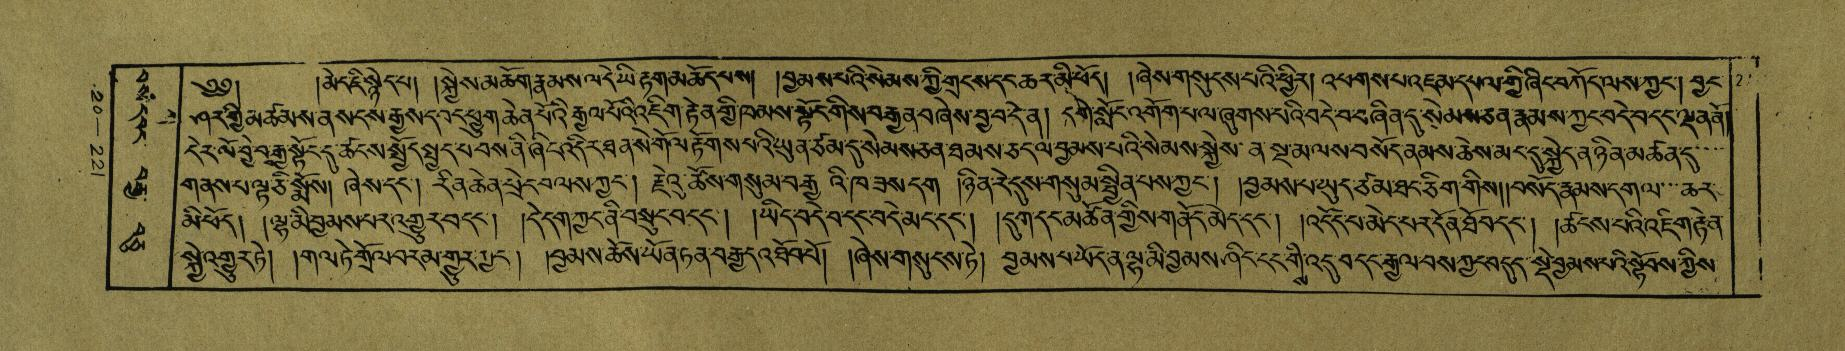༄༅། །མེད་ཇི་སྙེད་པ། །སྐྱེས་མཆོག་རྣམས་ལ་དེ་ཡི་རྟག་མཆོད་པས། །བྱམས་པའི་སེམས་ཀྱི་གྲངས་དང་ཆར་མི་ཕོད། །ཞེས་གསུངས་པའི་ཕྱིར། འཕགས་པ་འཇམ་དཔལ་གྱི་ཞིང་བཀོད་ལས་ཀྱང་། བྱང་
ཤར་གྱི་མཚམས་ན་སངས་རྒྱས་དབང་ཕྱུག་ཆེན་པོའི་རྒྱལ་པོའི་འཇིག་རྟེན་གྱི་ཁམས་སྟོང་གིས་བརྒྱན་བཞེས་བྱ་བ་དེ་ན། དགེ་སློང་འགོག་པ་ལ་ཞུགས་པའི་བདེ་བ་བཞིན་དུ་སེམས་ཅན་རྣམས་ཀྱང་བདེ་བ་དང་ལྡན་ནོ།
དེར་ལོ་བྱེ་བ་བརྒྱ་སྟོང་དུ་ཚངས་སྤྱོད་སྤྱད་པ་བས་ནི་ཞིང་འདིར་ཐ་ན་སེ་གོལ་རྟོགས་པའི་ཡུན་ཙམ་དུ་སེམས་ཅན་ཐམས་ཅད་ལ་བྱམས་པའི་སེམས་སྐྱེས་ན་སྔ་མ་ལས་བསོད་ནམས་ཆེས་མང་དུ་སྐྱེད་ན་ཉིན་མཚན་དུ་
གནས་པ་ལྟ་ཅི་སྨོས། ཞེས་དང་། རིན་ཆེན་ཕྲེང་བ་ལས་ཀྱང་། རྗེའུ་ཚོས་གསུམ་བརྒྱའི་ཁ་ཟས་དག །ཉིན་རེ་དུས་གསུམ་སྦྱིན་པས་ཀྱང་། །བྱམས་པ་ཡུད་ཙམ་ཐང་ཅིག་གིས། །བསོད་རྣམས་དག་ལ་ཆར་
མི་ཕོད། །ལྷ་མི་བྱམས་པར་འགྱུར་བ་དང་། །དེ་དག་ཀྱང་ནི་བསྲུང་བ་དང་། །ཡིད་བདེ་བ་དང་བདེ་མང་དང་། །དུག་དང་མཚོན་གྱིས་གནོད་མེད་དང་། །འདོད་པ་མེད་པར་དོན་ཐོབ་དང་། །ཚངས་པའི་འཇིག་རྟེན་
སྐྱེ་འགྱུར་ཏེ། །གལ་ཏེ་གྲོལ་བར་མ་གྱུར་ཀྱང་། །བྱམས་ཆོས་ཡོན་ཏན་བརྒྱད་འཐོབ་པོ། །ཞེས་གསུངས་ཏེ། བྱམས་པ་ཡོད་ན་ལྷ་མི་བྱམས་ཤིང་ངང་གིས་འདུ་བ་དང་རྒྱལ་བས་ཀྱང་བདུད་སྡེ་བྱམས་པའི་སྟོབས་ཀྱིས་